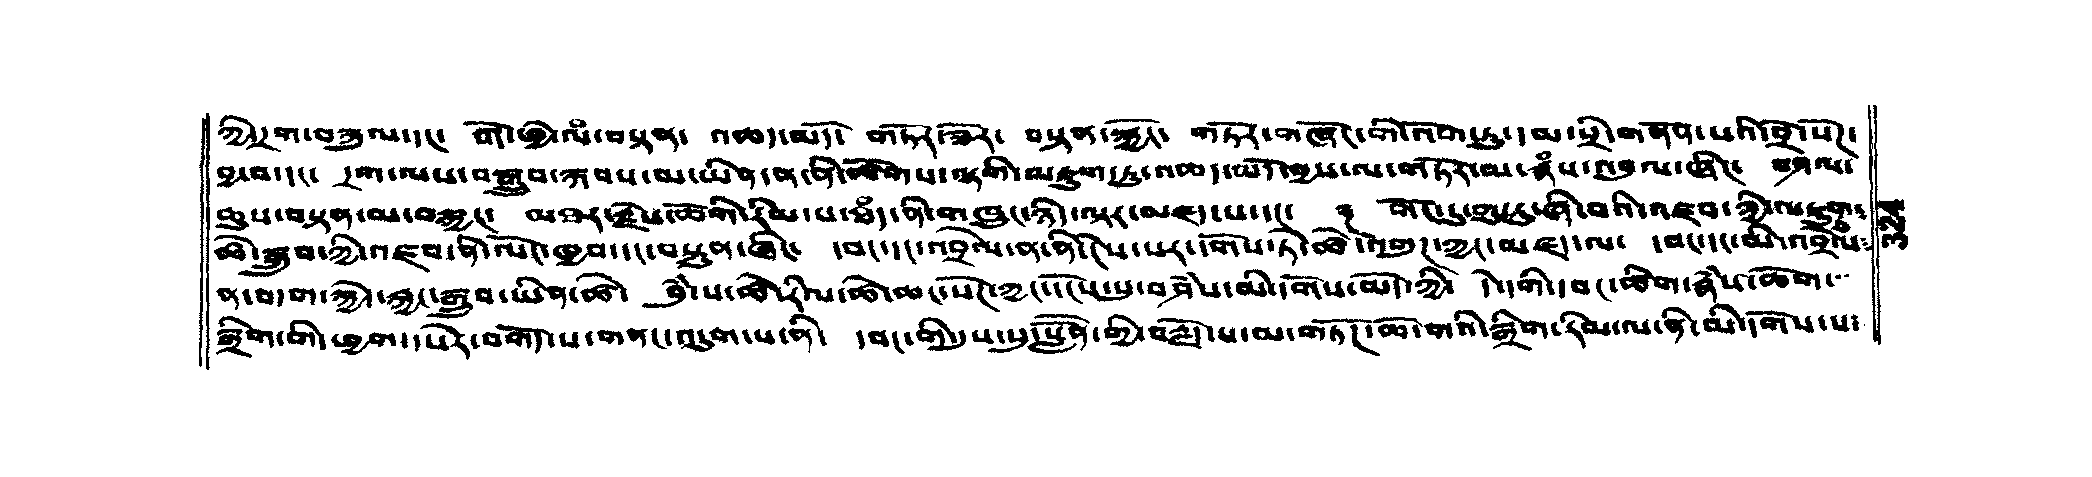ཀྱི་དྲག་བསྐུལ་དང་། སྒོ་ཕྱེ་ལམ་བསྟན། འཆད་མདོ། གཏོར་ཟོར། བསྟན་སྐྱོང་། གཏོར་གཞོང་གི་འོག་ཏུ་དམ་སྲི་གནོན་པའི་བྲོ་སོགས་
བྱ་བ་དང་། དྲག་ལས་སྒྲུབ་སྐབས་མ་ཡིན་ནི་ཚོགས་ལྷའི་མཇུག་ཏུ་འཆད་མདོ་་བྱས་ལ་གཏོར་མ་རྣམས་འབུལ་ཞིང་། བཤལ་
ཆུས་བསྟན་པ་བསྐྱང་། མཐར་རྗེས་ཆོག་གི་རིམ་པ་ཐམས་ཅད་ནི་གཞུང་ཉིད་ལྟར་མཛད་པ་དང་། ༈ གོང་དུ་གུ་རུ་ཞི་བའི་འཛབ་ཀྱི་མཇུག་ཏུ་
ཚེ་སྒྲུབ་ཀྱི་འཛབ་ནི་ལོང་ཁྱབ་དང་བསྟུན་ཞིང་། དབང་དང་འབྲེལ་ན་ནི་ངེས་པར་དགོས་ཏེ་ཚེ་འགུགས་ཀྱང་མཛད་ལ། །དབང་དང་མི་འབྲེལ་
ན་བདག་བསྐྱེད་རྐྱང་སྒྲུབ་ཡིན་ཚེ། བུམ་པ་ཚེ་རིལ་ཚེ་ཆང་སོགས་ཀྱང་དངོས་སུ་བཤམ་མི་དགོས་མོད་ཀྱི། དེ་དག་གི་དབང་ཚིག་རྣམས་ཆོག་
སྒྲིག་གི་ཕྱག་དཔེར་འགོད་པ་གནང་འདུག་པ་ནི། དབང་གི་དུས་སུ་སློབ་དཔོན་གྱི་བརྗོད་པ་མ་གཏོགས་ཆོ་གའི་སྒྲིག་རིམ་ལ་ནི་མི་དགོས་པ་